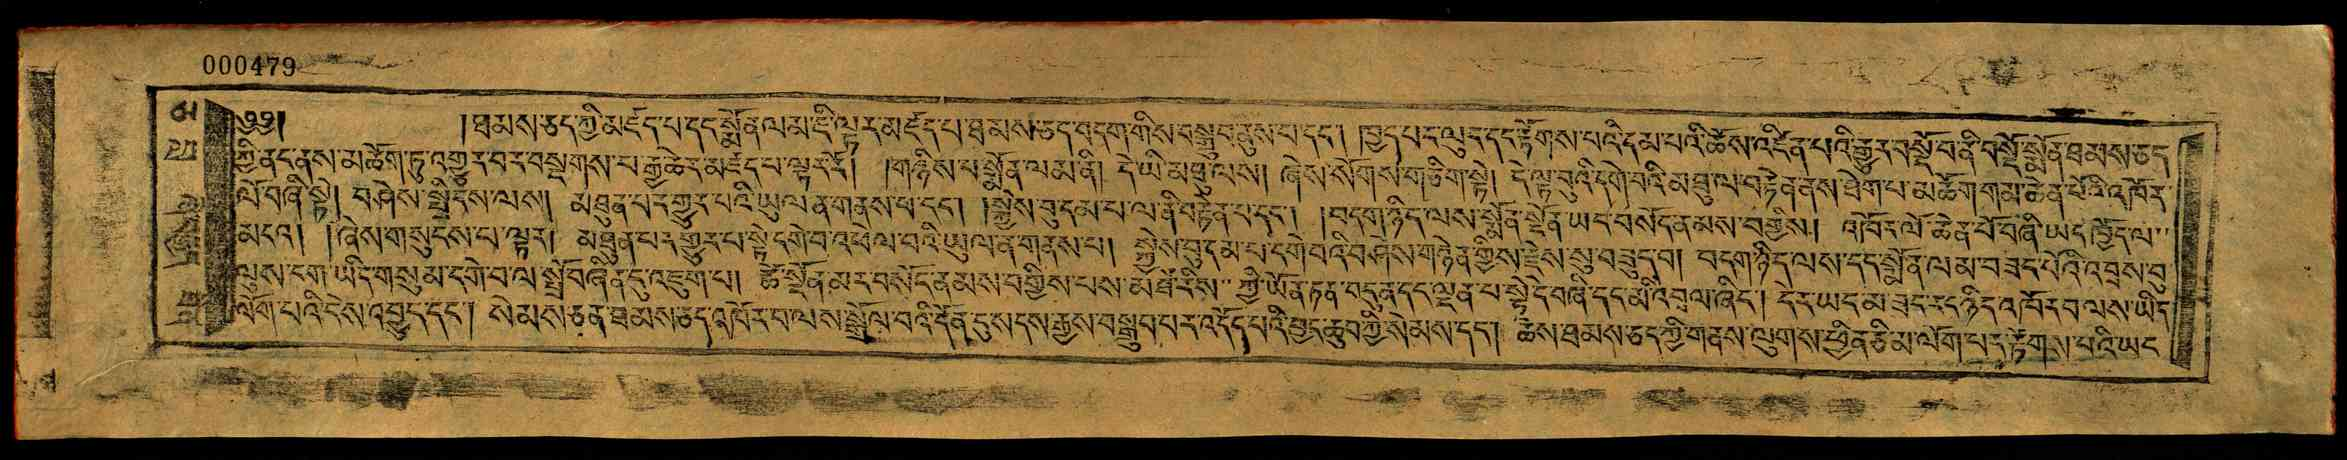༄༅། །ཐམས་ཅད་ཀྱི་མཛད་པ་དང་སྨོན་ལམ་ཇི་ལྟར་མཛད་པ་ཐམས་ཅད་བདག་གིས་བསྒྲུབ་ནུས་པ་དང་། ཁྱད་པར་ལུང་དང་རྟོགས་པའི་དམ་པའི་ཆོས་འཛིན་པའི་རྒྱུར་བསྔོ་བ་ནི་བསྔོ་སྨོན་ཐམས་ཅད་
ཀྱི་ནང་ནས་མཆོག་ཏུ་འགྱུར་བར་བསྔགས་པ་རྒྱ་ཆེར་མཛད་པ་ལྟར་རོ། །གཉིས་པ་སྨོན་ལམ་ནི། དེ་ཡི་མཐུ་ལས། ཞེས་སོགས་གཅིག་སྟེ། དེ་ལྟ་བུའི་དགེ་བའི་མཐུ་ལ་བརྟེན་ནས་ཐེག་པ་མཆོག་གམ་ཆེན་པོའི་འཁོར་
ལོ་བཞི་སྟེ། བཤེས་སྤྲིངས་ལས། མཐུན་པར་གྱུར་པའི་ཡུལ་ན་གནས་པ་དང་། །སྐྱེས་བུ་དམ་པ་ལ་ནི་བརྟེན་པ་དང་། །བདག་ཉིད་ལས་སྨོན་སྔོན་ཡང་བསོད་ནམས་བགྱིས། འཁོར་ལོ་ཆེན་པོ་བཞི་ཡང་ཁྱོད་ལ་
མངའ། །ཞེས་གསུངས་པ་ལྟར། མཐུན་པར་གྱུར་པ་སྟེ་དགེ་བ་འཕེལ་བའི་ཡུལ་ན་གནས་པ། སྐྱེས་བུ་དམ་པ་དགེ་བའི་བཤེས་གཉེན་གྱིས་རྗེས་སུ་བཟུང་བ། བདག་ཉིད་ལས་དང་སྨོན་ལམ་བཟང་པོའི་འབྲས་སུ་
ལུས་ངག་ཡིད་གསུམ་དགེ་བ་ལ་སྤྲོ་བཞིན་དུ་འཇུག་པ། ཚེ་སྔོན་མར་བསོད་ནམས་བགྱིས་པས་མཐོ་རིས་ཀྱི་ཡོན་ཏན་བདུན་དང་ལྡན་པ་སྟེ་དེ་བཞི་དང་མི་འབྲལ་ཞིང་། དེར་ཡང་མ་ཟད་རང་ཉིད་འཁོར་བ་ལས་ཡིད་
ལོག་པའི་ངེས་འབྱུང་དང་། སེམས་ཅན་ཐམས་ཅད་འཁོར་བ་ལས་སྒྲོལ་བའི་དོན་དུ་སངས་རྒྱས་བསྒྲུབ་པར་འདོད་པའི་བྱང་ཆུབ་ཀྱི་སེམས་དང་། ཆོས་ཐམས་ཅད་ཀྱི་གནས་ལུགས་ཕྱིན་ཅི་མ་ལོག་པར་རྟོགས་པའི་ཡང་